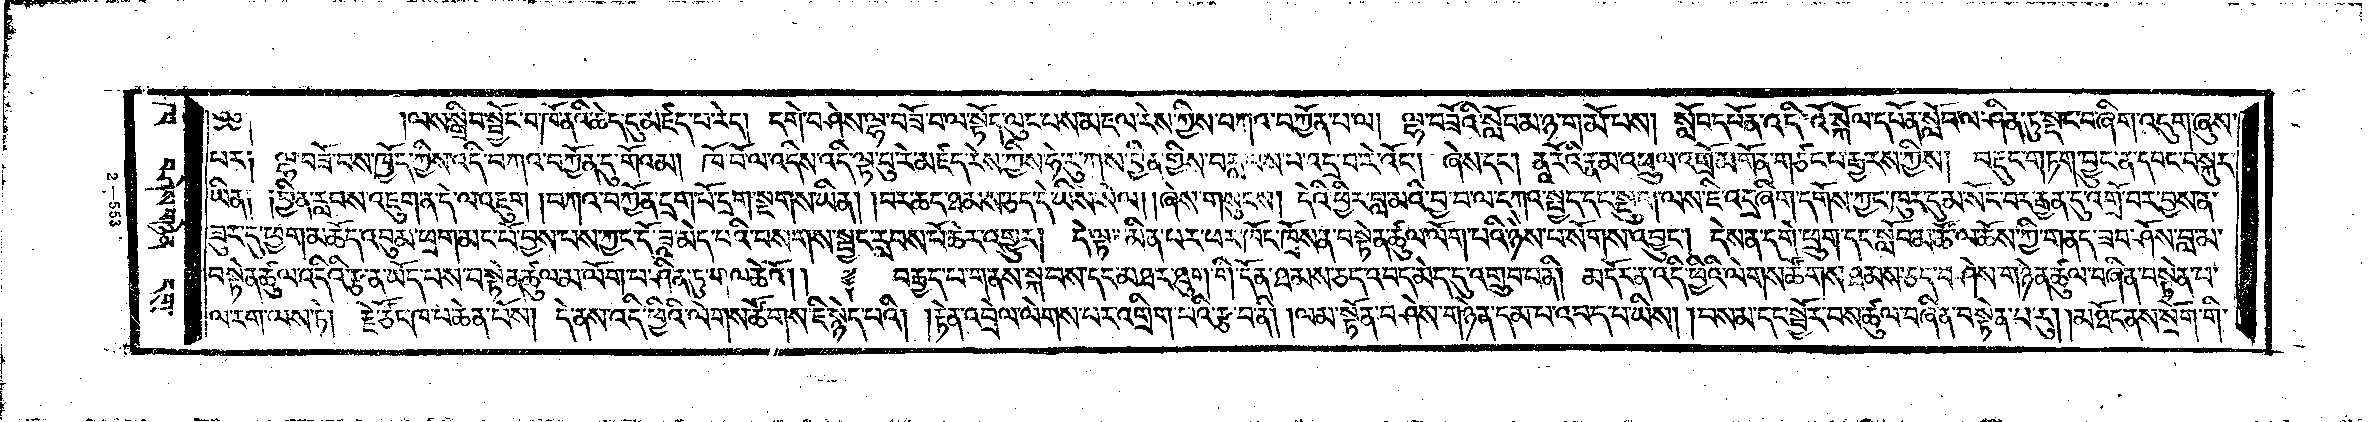༄༅། །ལས་སྒྲིབ་སྦྱོང་བ་ཁོ་ནའི་ཆེད་དུ་མཛད་པ་རེད། དགེ་བཤེས་ལྷ་བཟོ་བ་ལ་སྟོད་ལུང་པས་མཇལ་རེས་ཀྱིས་བཀའ་བཀྱོན་པ་ལ། ལྷ་བཟོའི་སློབ་མ་ཉ་ག་མོ་པས། སློབ་དཔོན་འདིའོ་སྐོལ་དཔོན་སློབ་ལ་ཤིན་ཏུ་སྡང་བ་ཞིག་འདུག་ཞུས་
པར༑ ལྷ་བཟོ་བས་ཁྱོད་ཀྱིས་འདི་བཀའ་བཀྱོན་དུ་གོའམ། ཁོ་བོ་ལ་འདིས་འདི་ལྟ་བུ་རེ་མཛད་རེས་ཀྱིས་ཧེ་རུ་ཀས་བྱིན་གྱིས་བརླབས་པ་འདྲ་བ་རེ་འོང་། ཞེས་དང་། ནཱ་རོའི་རྣམ་འཕྲུལ་འགྲོ་མགོན་གཙང་པ་རྒྱ་རས་ཀྱིས། བརྡུང་གཏག་བྱུང་ན་དབང་བསྐུར་
ཡིན༑ ༑བྱིན་རླབས་འཇུག་ན་དེ་ལ་འཇུག །བཀའ་བཀྱོན་དྲག་པོ་དྲག་སྔགས་ཡིན། །བར་ཆད་ཐམས་ཅད་དེ་ཡིས་སེལ། །ཞེས་གསུངས། དེའི་ཕྱིར་བླ་མའི་བྱ་བ་ལ་དཀའ་སྤྱད་དང་སྡུག་ལས་ཇི་འདྲ་ཞིག་དགོས་ཀྱང་ཁུར་དུ་མ་སོང་བར་རྒྱན་དུ་འགྲོ་བར་བྱས་ན་
ཟུར་དུ་ཕྱག་མཆོད་འབུམ་ཕྲག་མང་པོ་བྱས་པས་ཀྱང་དོ་ཟླ་མེད་པའི་བསགས་སྦྱང་རླབས་པོ་ཆེར་འགྱུར། དེ་ལྟ་མིན་པར་ཕར་ཁོང་ཁྲོས་ན་བསྟེན་ཚུལ་ལོག་པའི་ཉེས་པ་སོགས་འབྱུང་། དེས་ན་དགེ་ཕྲུག་དང་སློབ་མ་ཚོ་ལ་ཆོས་ཀྱི་གནད་ཟབ་ཤོས་བླ་མ་
བསྟེན་ཚུལ་འདིའི་རྩ་ན་ཡོད་པས་བསྟེན་ཚུལ་མ་ལོག་པ་ཤིན་ཏུ་གལ་ཆེའོ། ། ༈ བརྒྱད་པ་གནས་སྐབས་དང་མཐར་ཐུག་གི་དོན་ཐམས་ཅད་འབད་མེད་དུ་འགྲུབ་པ་ནི། མདོར་ན་འདི་ཕྱིའི་ལེགས་ཚོགས་ཐམས་ཅད་བཤེས་གཉེན་ཚུལ་བཞིན་བསྟེན་པ་
ལ་རག་ལས་ཏེ། རྗེ་ཙོང་ཁ་པ་ཆེན་པོས། དེ་ནས་འདི་ཕྱིའི་ལེགས་ཚོགས་ཇི་སྙེད་པའི། །རྟེན་འབྲེལ་ལེགས་པར་འགྲིག་པའི་རྩ་བ་ནི། །ལམ་སྟོན་བཤེས་གཉེན་དམ་པ་འབད་པ་ཡིས། །བསམ་དང་སྦྱོར་བས་ཚུལ་བཞིན་བསྟེན་པ་རུ། །མཐོང་ནས་སྲོག་གི་